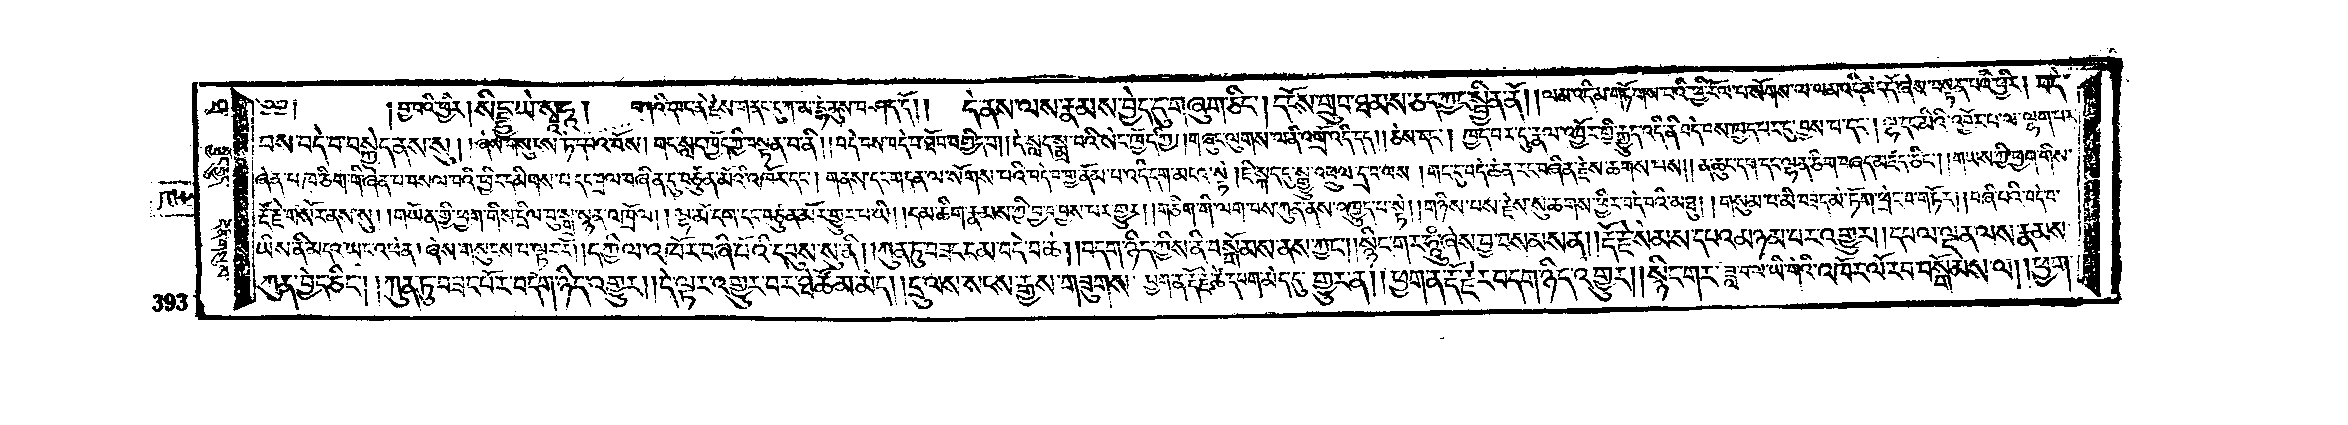༄༅། །བྱ་བའི་ཕྱིར། སིདྡྷྱ་ཡེ་སྭཱཧཱ། བཀའི་དབང་ནི་རྗེས་གནང་དུ་ཀ་མ་དྷེ་ནུས་བཤད་དོ།  དེ་ནས་ལས་རྣམས་བྱེད་དུ་གཞུག་ཅིང་། དངོས་གྲུབ་ཐམས་ཅད་ཀྱང་སྦྱིན་ནོ། ། ལམ་འདི་མ་གཏོགས་པའི་ཕྱི་རོལ་པ་སོགས་ལ་ལམ་འདི་མེད་དོ་ཞེས་བསྟན་པའི་ཕྱིར།  བདེ་
བས་བདེ་བ་བསྐྱེད་ནས་སུ། །ཞེས་གསུངས་ཏེ་དཔའ་བོས། གང་སླད་ཁྱོད་ཀྱི་བསྟན་པ་ནི། །བདེ་བས་བདེ་བ་ཐོབ་བགྱིད་པ། །དེ་སླད་སྨྲ་བའི་སེང་ཁྱོད་ཀྱི། །གཞུང་ལུགས་ལ་ནི་འགྲོ་འདི་དད། །ཅེས་དང་། ཁྱད་པར་དུ་རྣལ་འབྱོར་གྱི་རྒྱུད་འདི་ནི་བདེ་བས་ཁྱད་པར་དུ་བྱས་པ་དང་། ལྷ་དང་མིའི་འབྱོར་པ་ལ་ལྷག་པར་
ཞེན་པ་ཁ་ཅིག་གི་ཞེན་པ་བསལ་བའི་ཕྱིར་དམིགས་པ་དང་བྲལ་བཞིན་དུ་བཙུན་མོའི་འཁོར་དང་། གནས་དང་གདན་ལ་སོགས་པའི་བདེ་བ་གྱ་ནོམ་པ་འདི་དག་མངའ་སྟེ། ཇི་སྐད་དུ་སྒྱུ་འཕྲུལ་དྲ་བ་ལས། གང་དུ་བདེ་ཆེན་རང་བཞིན་རྗེས་ཆགས་པས། །ན་ཆུང་དག་དང་ལྷན་ཅིག་བཞད་མཛད་ཅིང་། །གཡས་ཀྱི་ཕྱག་གིས་
རྡོ་རྗེ་གསོར་ནས་སུ། །གཡོན་གྱི་ཕྱག་གིས་དྲིལ་བུ་སྒྲ་སྙན་འཁྲོལ། །ལྷ་མོ་དག་དང་བཙུན་མོར་གྱུར་པ་ཡི། །དམ་ཚིག་རྣམས་ཀྱི་བྱ་བ་བྱས་པར་གྱུར། །གཅིག་གི་ལག་པས་ཀུན་ནས་འཁྱུད་པ་སྟེ། །གཉིས་པས་རྗེས་སུ་ཆགས་ཕྱིར་བདེ་བའི་མཐུ། །གསུམ་པ་མི་བཟོད་མེ་ཏོག་ཕྲེང་བ་གཏོར། །བཞི་པའི་བདེ་བ་
ཡིས་ནི་མདའ་ཡང་འཕེན། ཞེས་གསུངས་པ་ལྟར་རོ། །དཀྱིལ་འཁོར་བཞི་པོའི་དབུས་སུ་ནི། །ཀུན་ཏུ་བཟང་ངམ་བདེ་བ་ཆེ། །བདག་ཉིད་ཀྱིས་ནི་བསྒོམས་ནས་ཀྱང་། །སྙིང་གར་ཧཱུཾ་ཞེས་བྱ་བསམས་ན། །རྡོ་རྗེ་སེམས་དཔའ་མཉམ་པར་འགྱུར། །དཔལ་ལྡན་ལས་རྣམས་
ཀུན་བྱེད་ཅིང་། །ཀུན་ཏུ་བཟང་པོར་བདག་ཉིད་འགྱུར། །དེ་ལྟར་འགྱུར་བར་ཐེ་ཚོམ་མེད། །དྲུཾ་ལས་སངས་རྒྱས་གཟུགས་ཕྱག་ན་རྡོ་རྗེ་ཚེ་དཔག་མེད་དུ་གྱུར་ན། །ཕྱག་ན་རྡོ་རྗེར་བདག་ཉིད་འགྱུར། །སྙིང་གར་ཟླ་བ་ལ་ཡི་གེའི་འཁོར་ལོ་རབ་བསྒོམས་ལ། །ཕྱག་